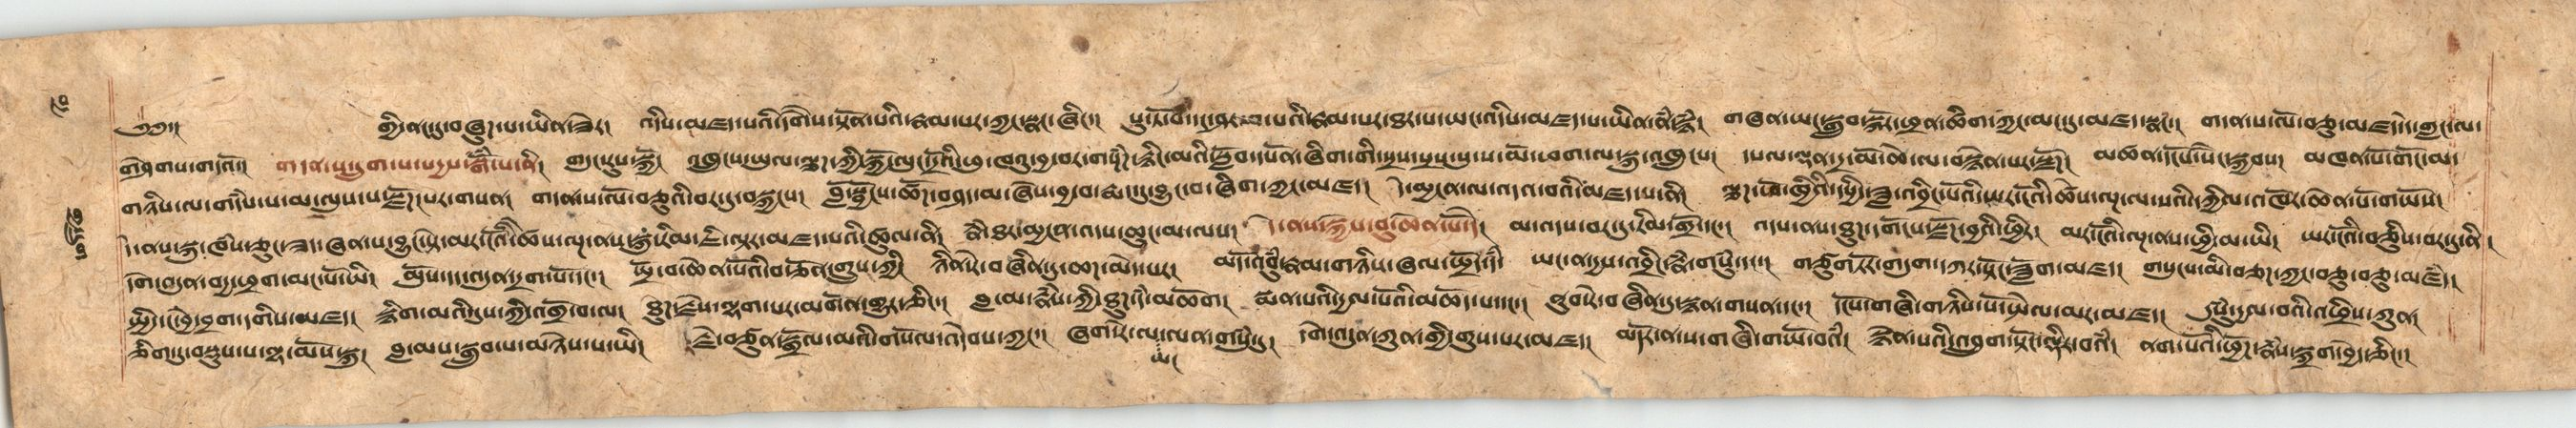གྱི་ནང་དུ་བཞུཌ་པ་ཡིན་ཟེར། འདིས་མཛད་པའི་དགཻས་སྟོན་པའི་རྣམ་པར་ཀྱང་སྣང་ཞིང་། པུ་ཏོ་བ་དང་ཤར་བ་པའི་རྣམ་པར་ཐར་པ་ཡང་འདིས་མཛད་པ་ཡིན་ནཾ་སྙཾ། གཞན་ཡང་སྒྲུབ་སྐོར་ཕྲན་ཚིག་ཀྱང་མང་དུ་མཛད་སྣང་། གདན་ས་ལོ་བཅུ་མཛད་དེ་གླང་ལ་
གཤེགས་གདའོ། གདན་ས་དྲུག་པ་སདྱས་སྒོཾ་པ་ནི། གདུང་རུས་སྐྱོ། འཁྲུངས་ཡུལ་ལྕཌ་ཀྱི་སྐྱོ་ལུང་དྲོའི་ཕུ་ཁའུ་བྱ་བར་གསྔཌཾ་རྙིང་མའི་སློབ་དཔོན་ཞིག་གི་སྲས་སྲས་སུ་ས་མོ་ཕག་ལ་སྐུ་འཁྲུངས། དཔལ་ལྡན་དྲ་མོ་ཆེ་ལ་བསྙེན་པར་སྫོཌ། མཚན་དངོས་སཻང་སྐྱབས། མཁན་པོ་གོང་མ་
གཉིས་ལ་གདཾས་པ་མ་ལུས་པ་སྫོཌ་པར་གསན། གདན་ས་ལོ་བཅུའི་བར་དུ་བསྐྱངས། བློ་སྦྱོངས་ཚོཌ་བཤད་མ་ཞེས་བྱ་བ་རྨད་དུ་བྱུང་བ་ཞིག་ཀྱང་མཛད། དེ་མྱངན་ལ་འདའ་བའི་མཛད་པ་ནི། ལྕཌ་ཕོ་ཁྱིའི་དཔྱིད་ཟླ་འབྲིང་པོའི་ཡར་ངོའི་ཚེས་ལྔ་ལ་སའི་དཀྱིལ་འཁོར་ཆེན་པོ་གཡོས།
དེ་ནས་སྐུ་ཁཾས་ཅུང་ཟད་ཞན་པ་བྱུང་སྟེ་མར་ངོའི་ཚེས་ལྔ་ནས་སྐུ་རིམ་ཇི་ལྟར་མཛད་པའི་ཚུལ་ནི། རྣཾ་ཐར་མྱངན་འདས་ཆུང་མ་ལས། དེ་ནས་སྐྱེས་བུ་ཆེན་པོ་དེ། མ་འདས་བར་དུ་རིམ་གྲོ་དང་། འདས་ནས་ཐུཌ་དགོངས་སྫོཌ་བྱའི་ཕྱིར། མར་ངོའི་ལྔ་ནས་ཕྱི་མ་ཡི། ཡར་ངོའི་བཅིུས་བར་དུ་ནི།
དགེ་འདུན་བདྱ་ཕྲག་མང་པོ་ཡི། མོུས་དང་འདུན་དྲག་པོ་དང་། སྤྲོ་བ་ཆེན་པོའི་བརྩོན་འགྲུས་ཀྱི། ཉིན་རེ་བཞིན་དུ་ཆཌ་མེད་པར། མདོ་འབུཾ་རྣམ་གཉིས་ཞལ་སྤྲོད་དཾ། ཡང་ན་དྱས་འབྲིང་རྣཾ་གསུཾ་དང་། གཙུགཏོར་གདུག་དཀར་སྟོང་ཟློག་མཛད། གསུངས་མི་བཅཌ་ཀྱང་བཅུ་བཅུ་མཛེད།
སྤྱི་དང་བྱེ་བྲག་དགིས་མཛད། སྙིག་མའི་དུས་ཀྱི་འགྲོ་བ་ལ། ཐུཌ་རྗེས་ལྷག་པར་མགོན་གྱུར་ཅིང་། བླ་མ་རྣཾས་ཀྱི་ཐུཌ་དཾ་མཆོག། སྨན་པའི་དྱལ་པོའི་མཆོད་པ་དང་། ནུབ་རེ་བཞིན་དུ་སྙན་གསན་དང་། དངོས་གཞི་གཉིས་པོ་སྤེལ་མར་མཛད། དུསུཾ་དྱལ་བའི་འཕྲིས་ཀུན།
ཅིག་དུ་བསྡུས་པ་ལྷ་མོས་སྐུ། བླ་མས་སྒྲུབ་པ་མཉེས་པ་ཡི། རྗེ་བཙུན་སྒྲོལ་མའི་གསོལ་འདེབས་ཀྱང་། ཞག་རེ་ལ་ཡང་ལན་གསུཾ་དུ། དགེ་འདུན་ཀུན་གྱི་གུས་པར་མཛད། མདོར་ན་ས་གཞི་གཡོ་བའཾ། སྙེན་པའི་འབྲུག་སྟོང་ལྡིར་བའཾ། ནག་པོའི་ཕྱོཌ་རྣཾས་སྐྲག་བྱེད་ཅིང་།